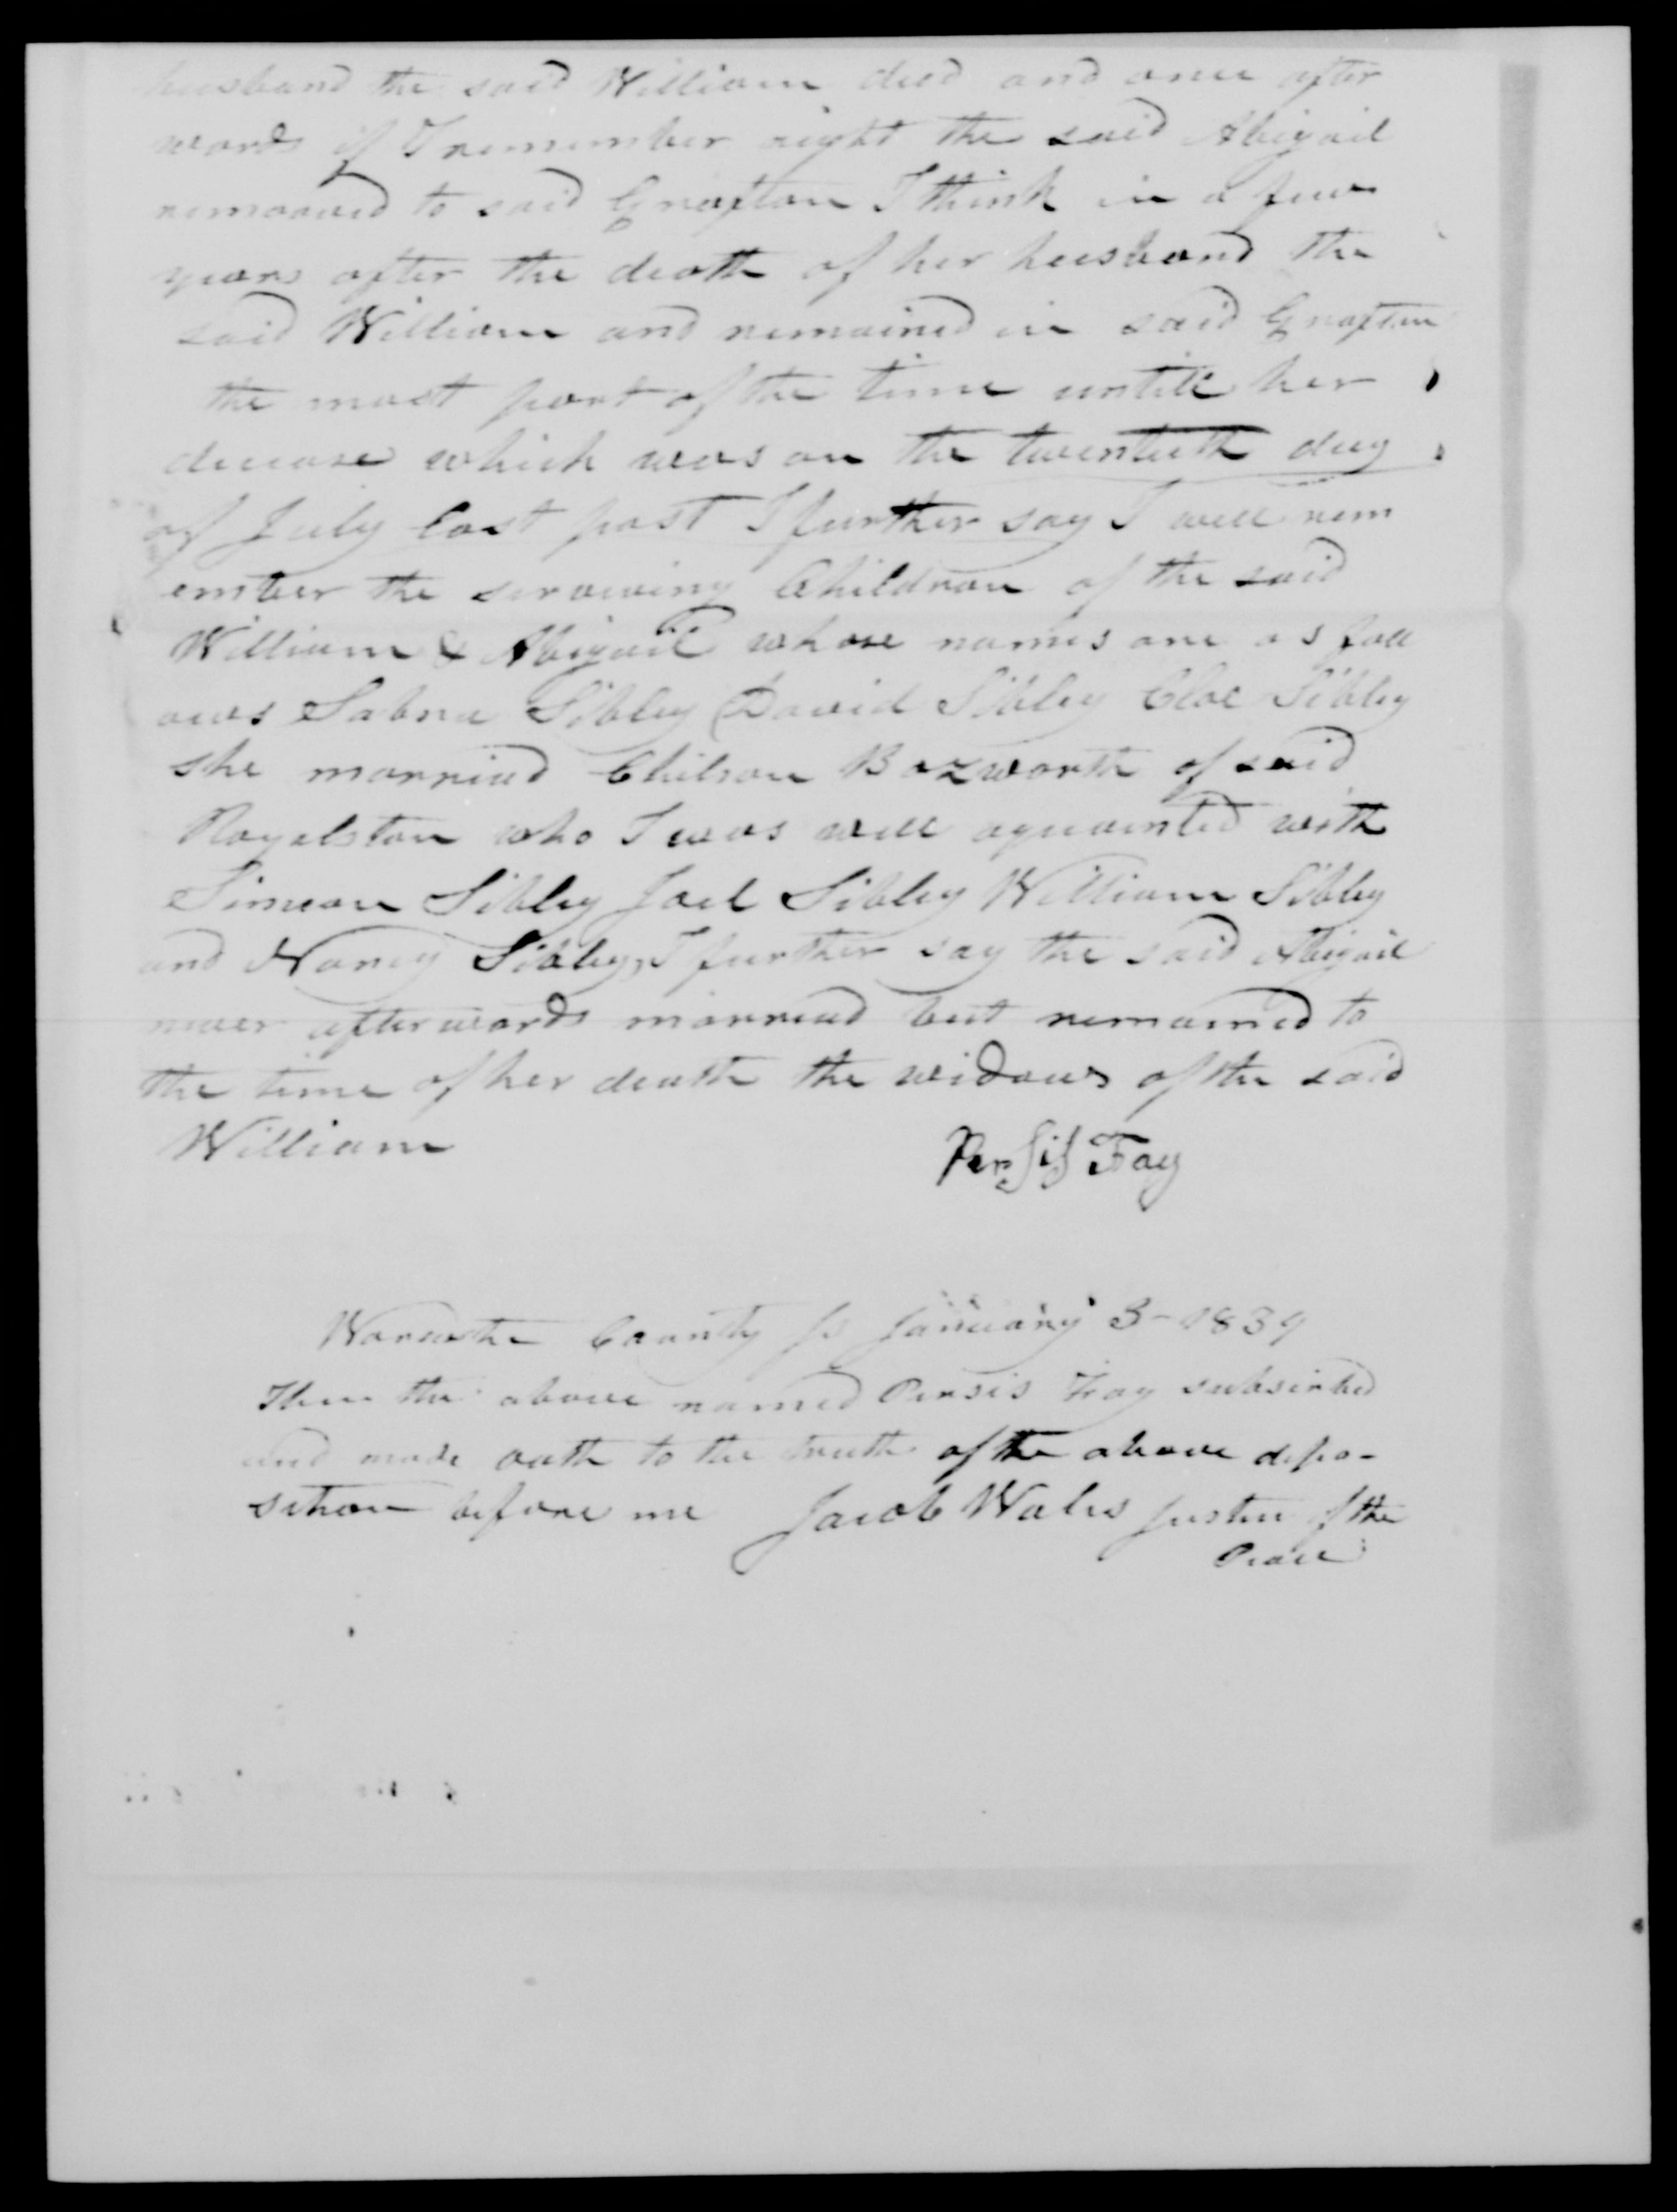husband to said William died and once afterwards if I remember right the said Abigail removed to said Grafton. I think in a few years after the death of her husband the said William and remained in said Grafton the most part of the time untill her decease which was on the twentieth day of July last past. I further say I will remember the remaining children of the said William & Abigail whose names are as follows Sabra Sibley David Sibley Cloe Sibley she married Chilsan Bozworth of said Royalston who I was well acquainted with Simeon Sibley Joel Sibley William Sibley and Nancy Sibley I further say the said Abigail never afterwards married but remained to the time of her death the widow of the said William
Persis Fay

Worcester County SS January 3, 1839
The above named Persis Fay subscribed and made oath to the truth of the above disposition before me Jacob Walles Justice of the Peace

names: Sabra Sibley; Abigail [BLANK]; David Sibley; Joel Sibley; William [BLANK]; Persis Fay; Abigail [BLANK]; [BLANK] Bosworth; William [BLANK]; William Sibley; Simeon Sibley; William [BLANK]; Abigail [BLANK]; Cloe Sibley; Nancy Sibley; Persis Fay; William [BLANK]; Jacob Wales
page: 13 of 24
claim: widow's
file: W. 15,338, for William Sibley, Massachusetts